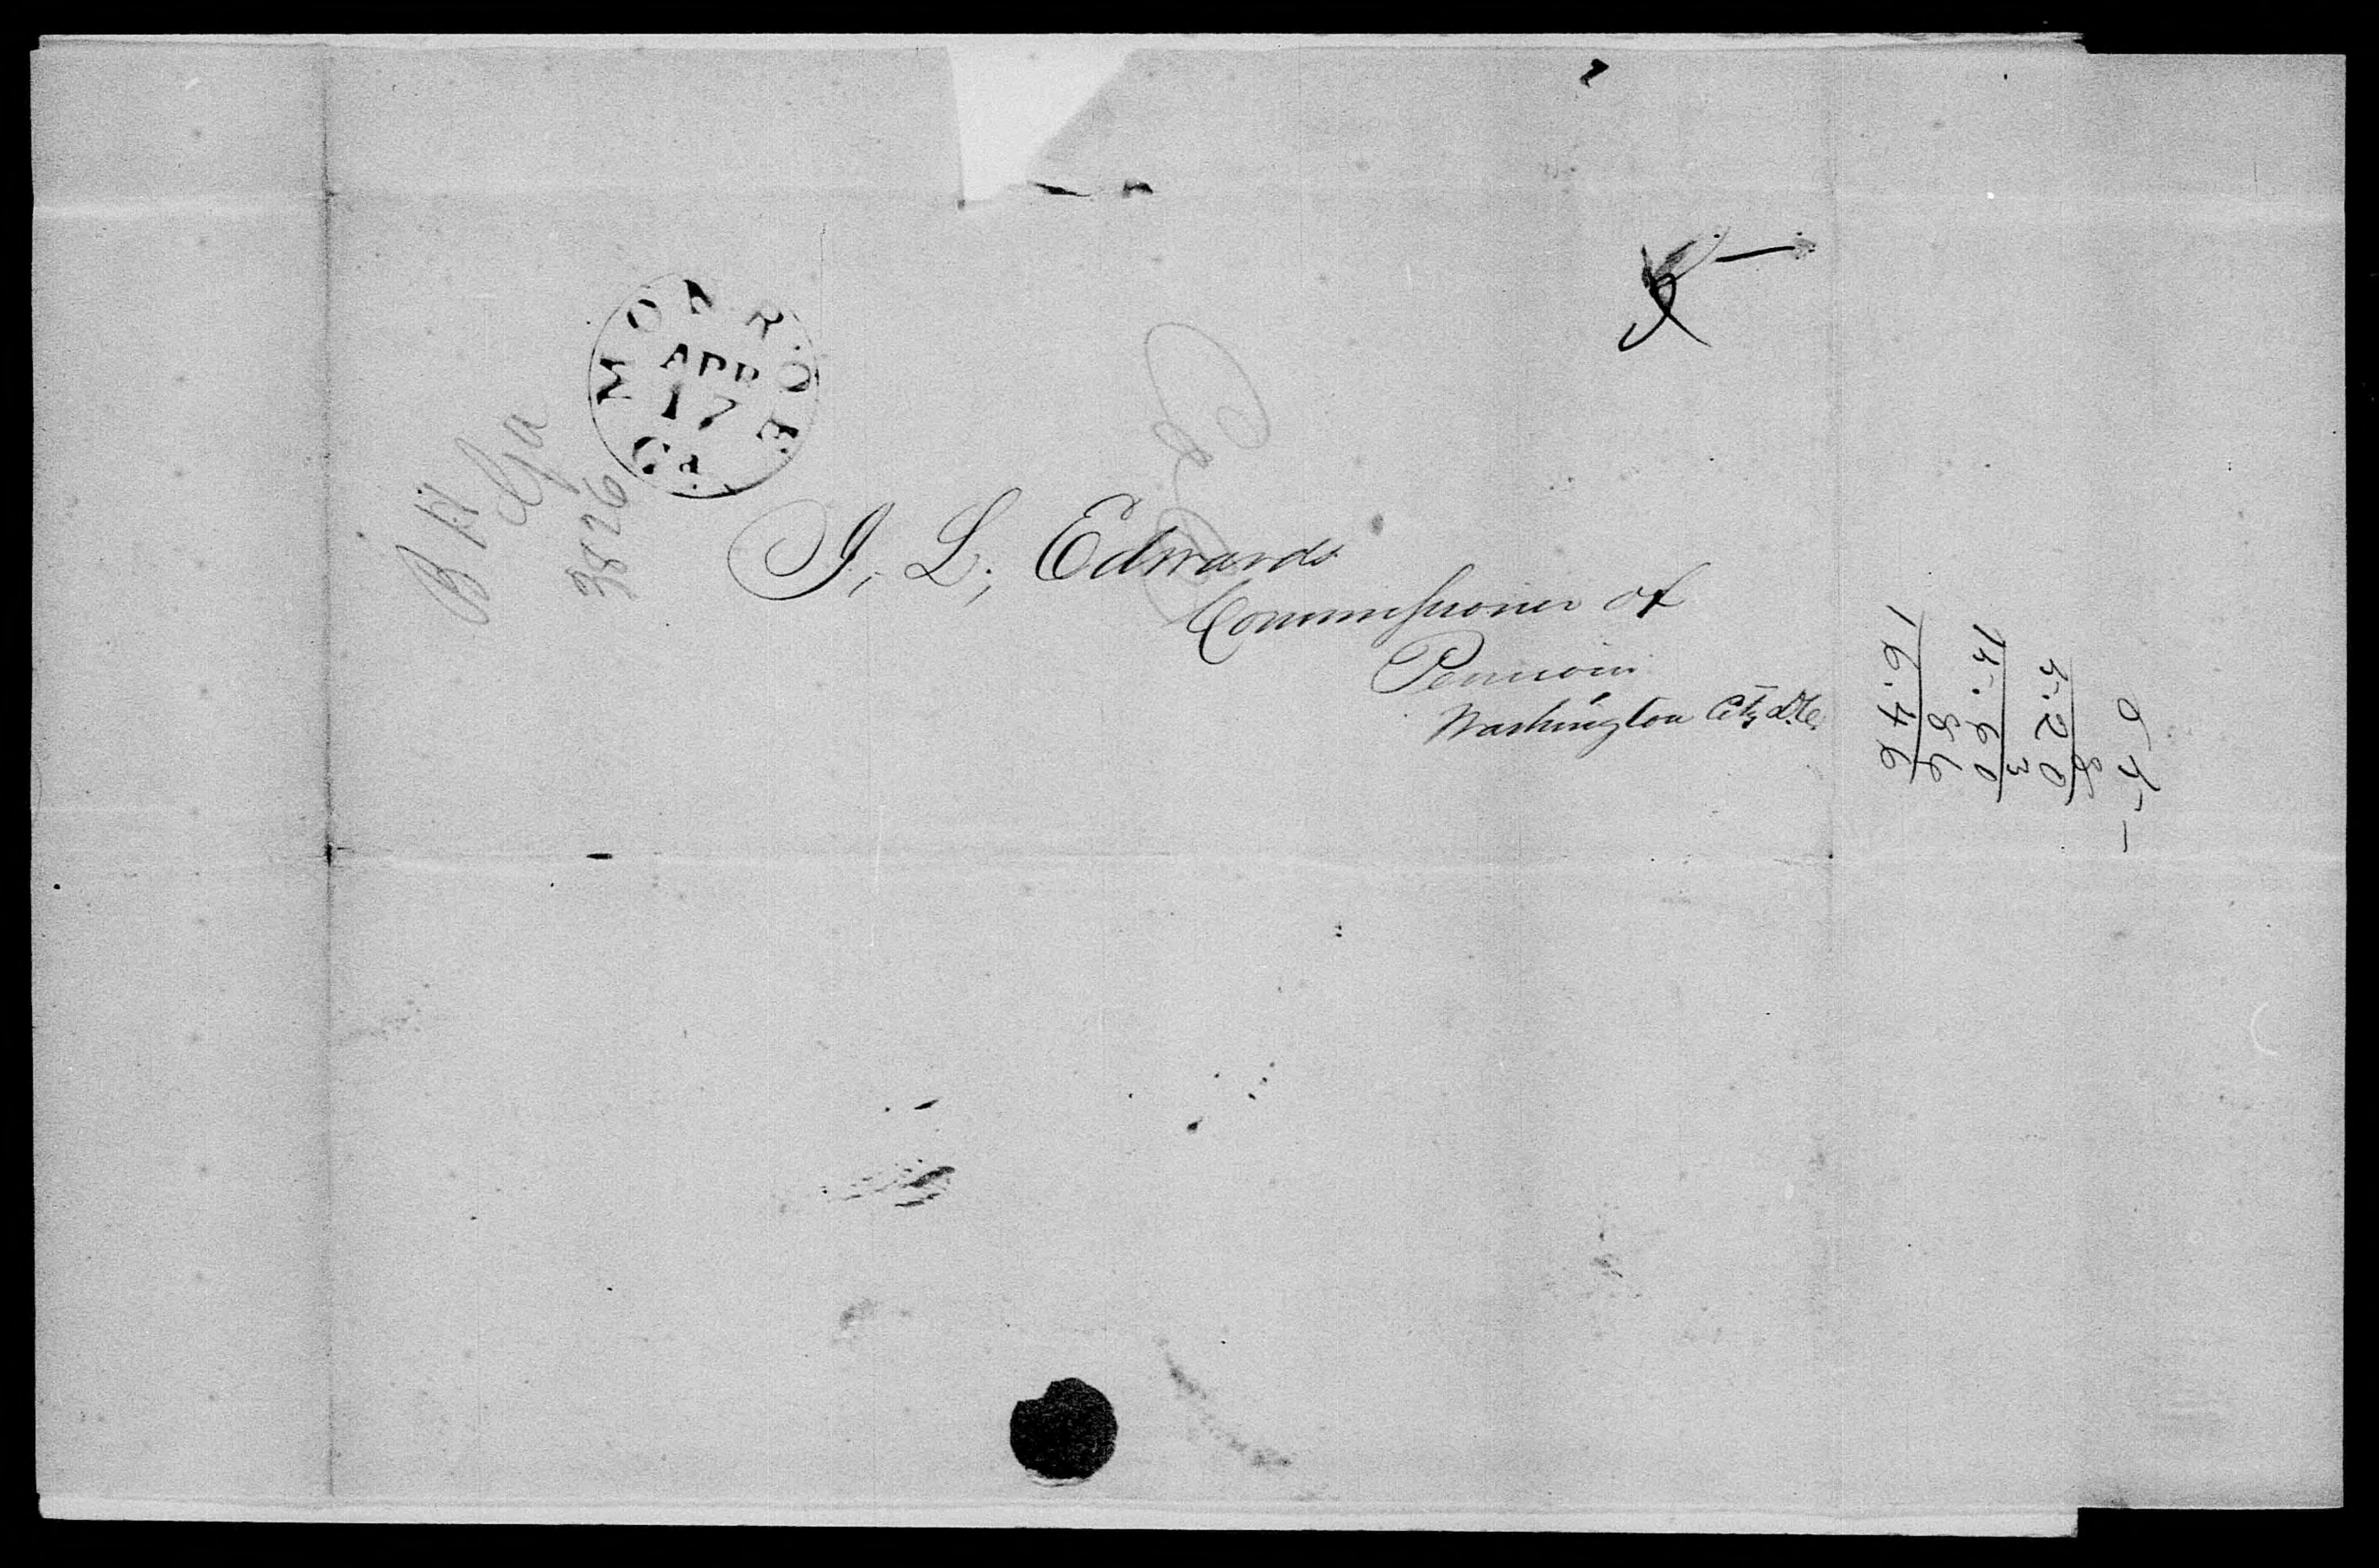[postmark: MONRO GA APR 17]
J.L. Edwards Commissioner of Pensions Washington City D.C. .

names: J L Edwards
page: 34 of 62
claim: survivor's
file: S. 38816, Benjamin Harris, Mass.